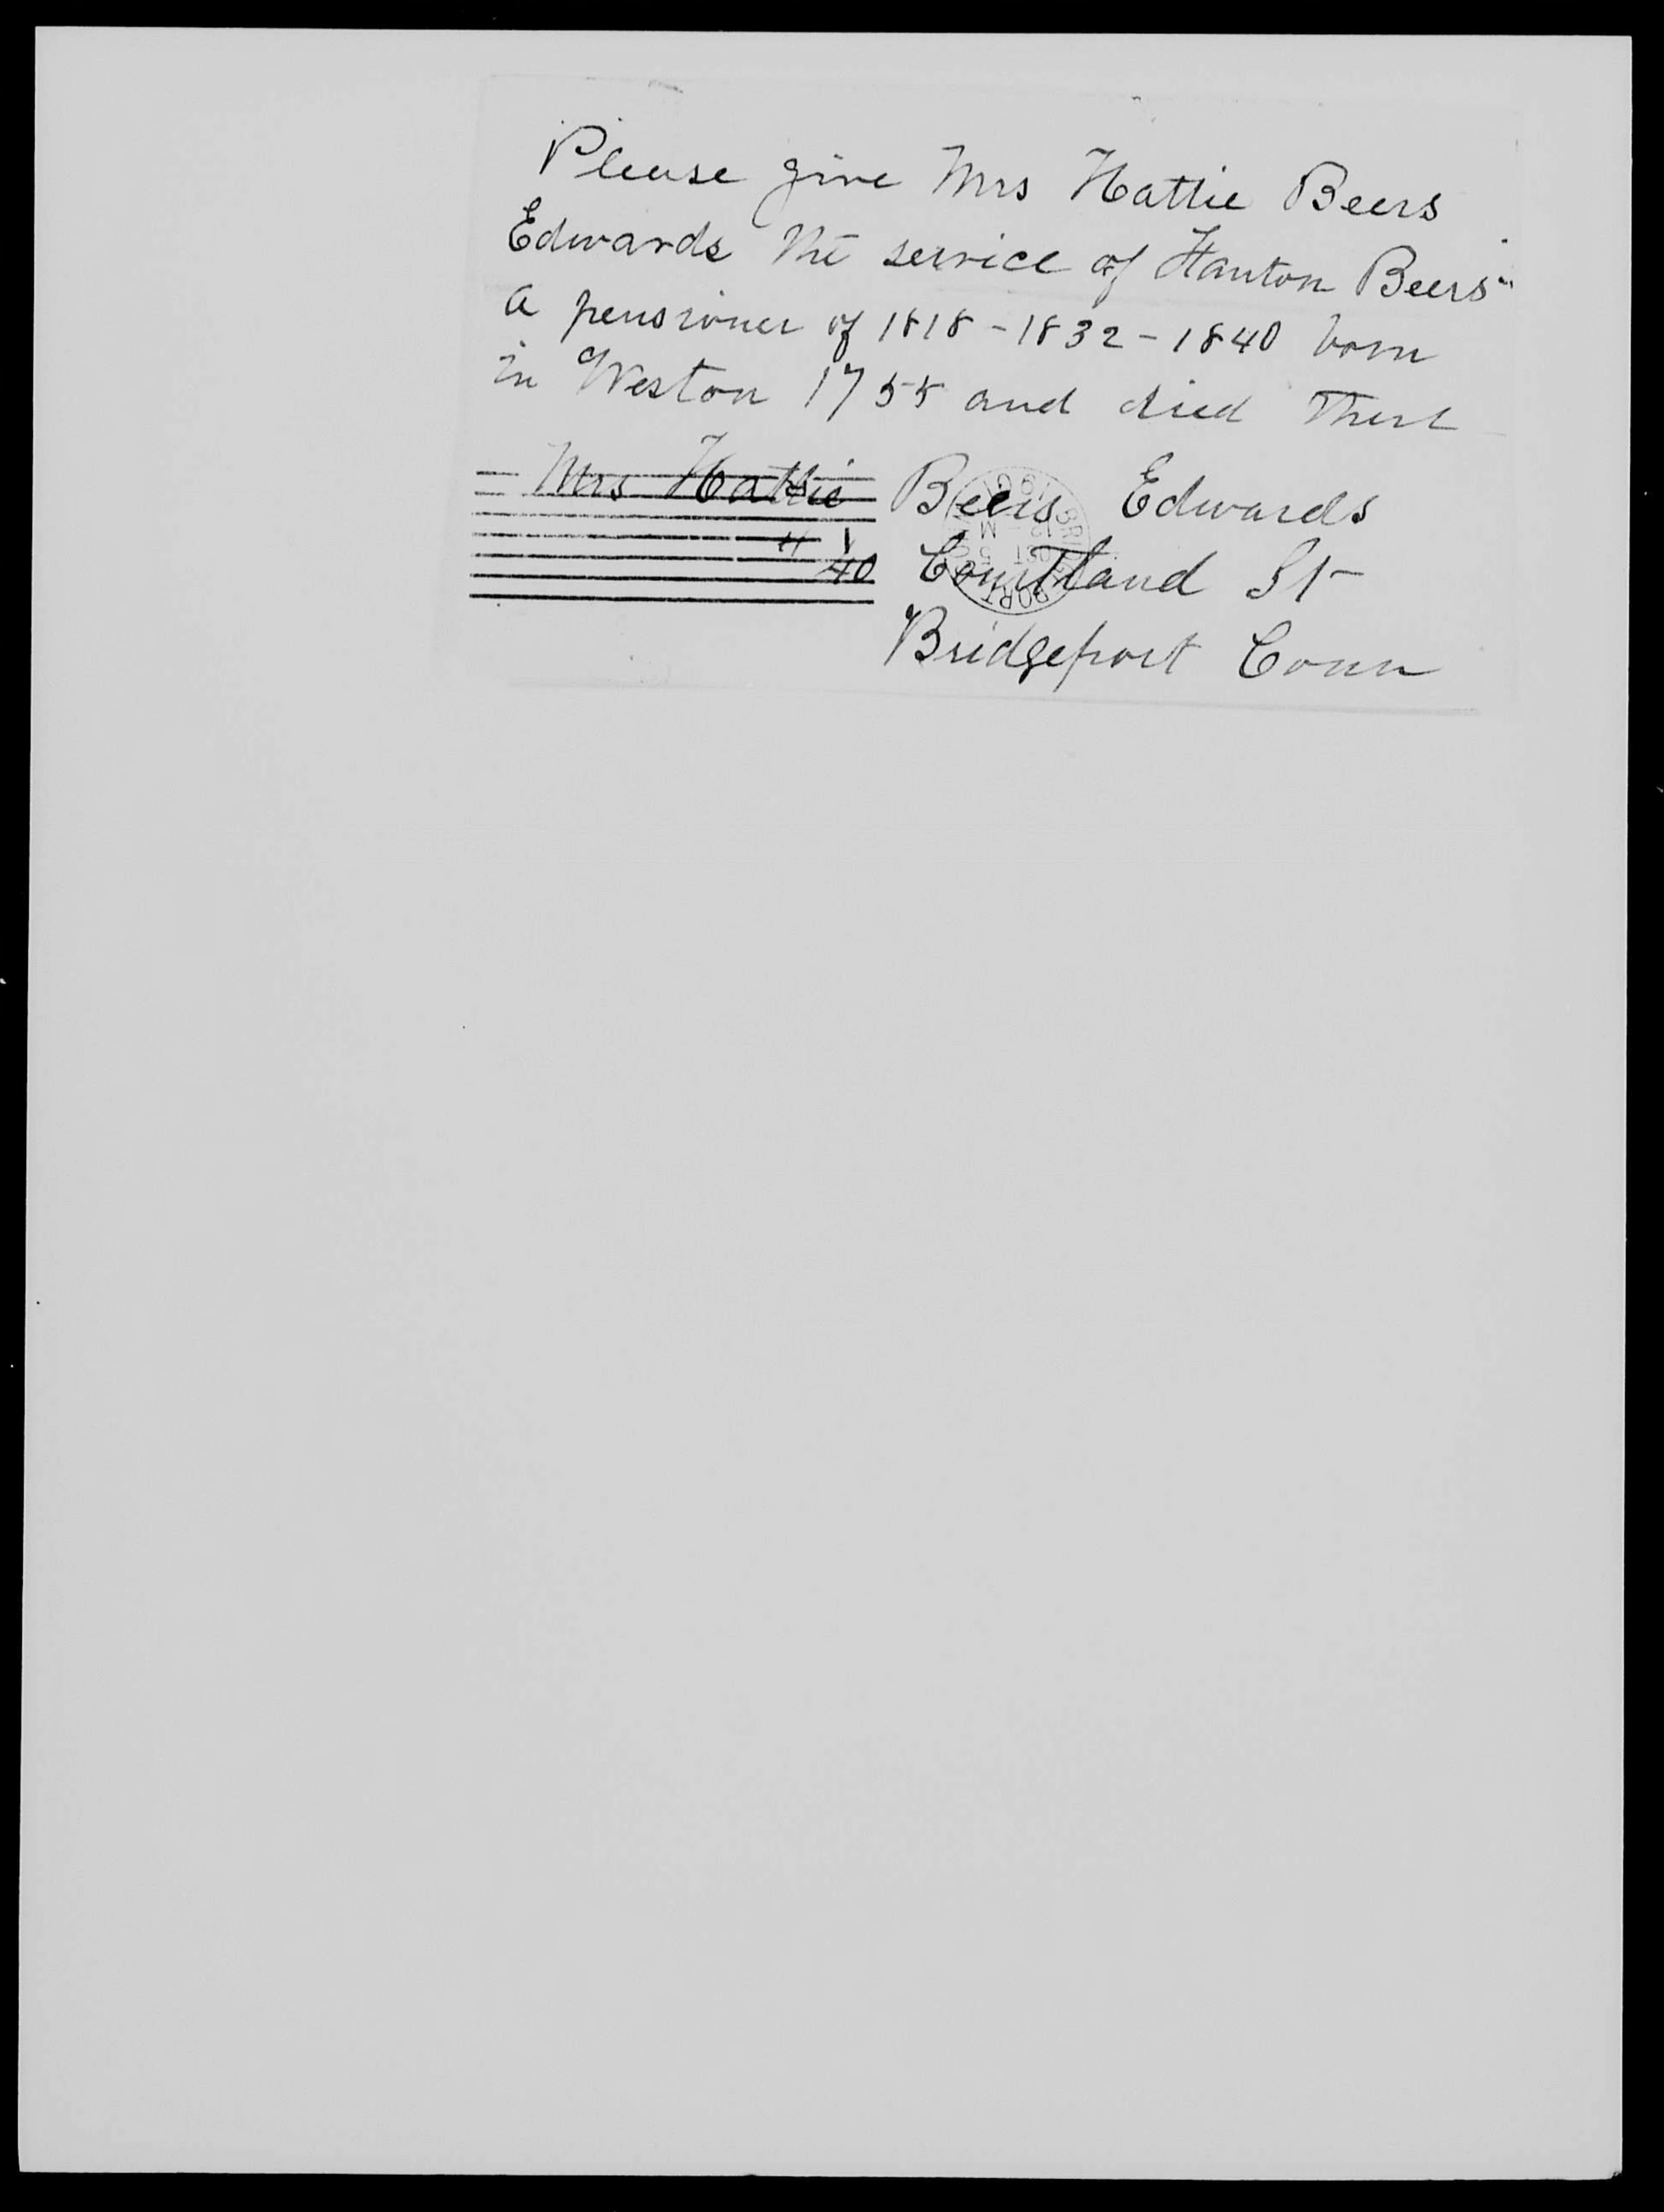Please give Mrs. Hattie Beers Edwards the service of Fanton Beers, a pensioner of 1818-1832-1840 born in Weston 1755 and died there.

Mrs. Hattie Beers Edwards
40 Courtland St
Bridgeport, Conn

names: Hattie Beers Edwards, Fanton Beers, Hattie Beers Edwards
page: 14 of 23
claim: survivor's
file: S. 37,750, Fanton Beers, Conn.